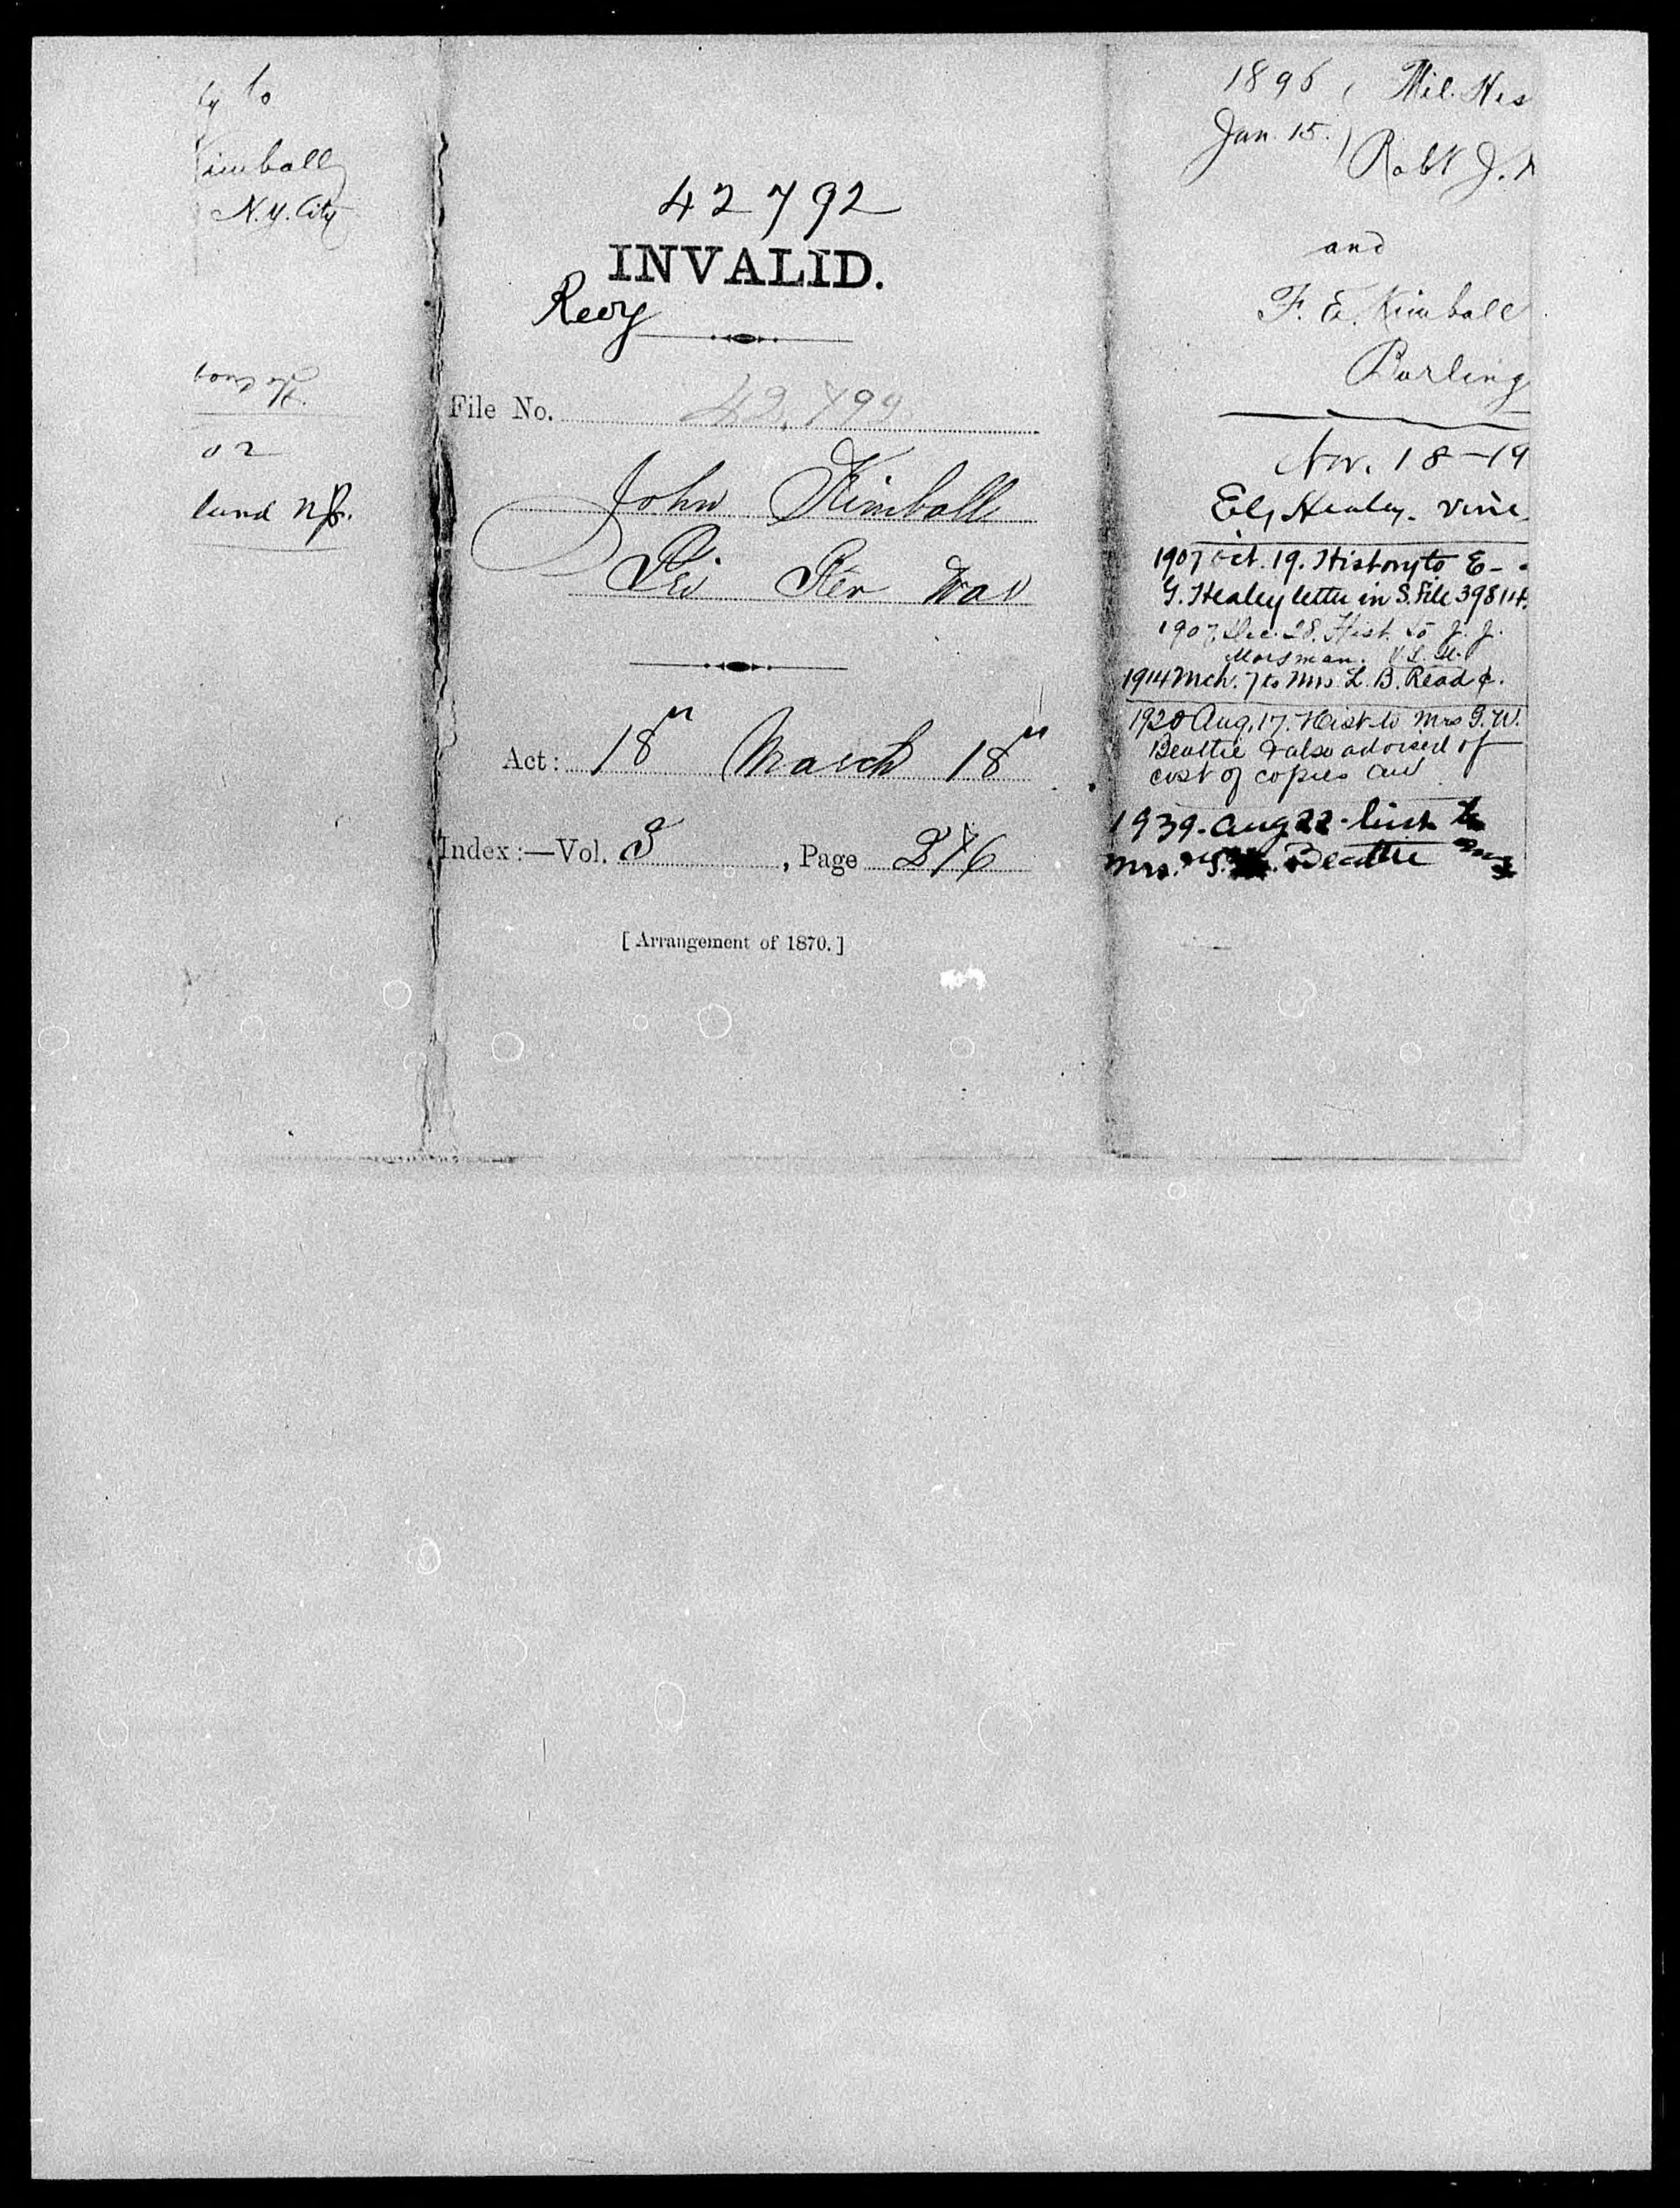[left side of page]
to
Kimball
N. Y. City
[illegible]
land ns

[center of page]
42792
INVALID.
Revy
File No. 42.792
John Kimball
Pri Rev War
Act: 18th March 18"
Index: - Vol. S, Page 276
[Arrangement of 1870.]


[right side of page]
1896, Mil. His
Jan. 15 Robt. J.
and
F. E. Kimball
Burlington
Nov. 18-19
Ely Healey vine
1907 Oct. 19. History to E -
G. Healey letter in S. File 39814.
1907, Dec. 28. Hist. to J. J.
Morsman. V.L.M.
1914 Mch. 7 to Mrs. L. B. Read [symbol for cents]
1920 Aug. 17. Hist to Mrs. G. W.
Beattie & also advised of
cost of copies 
1939. Aug 22 - list to Mrs. G. W. Beattie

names: F E Kimball; Ely Healey; J J Morsman; L B Read; Robt J Kimball; John Kimball; G W Beattie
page: 15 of 36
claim: survivor's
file: S. 42,792, for John Kimball, Connecticut